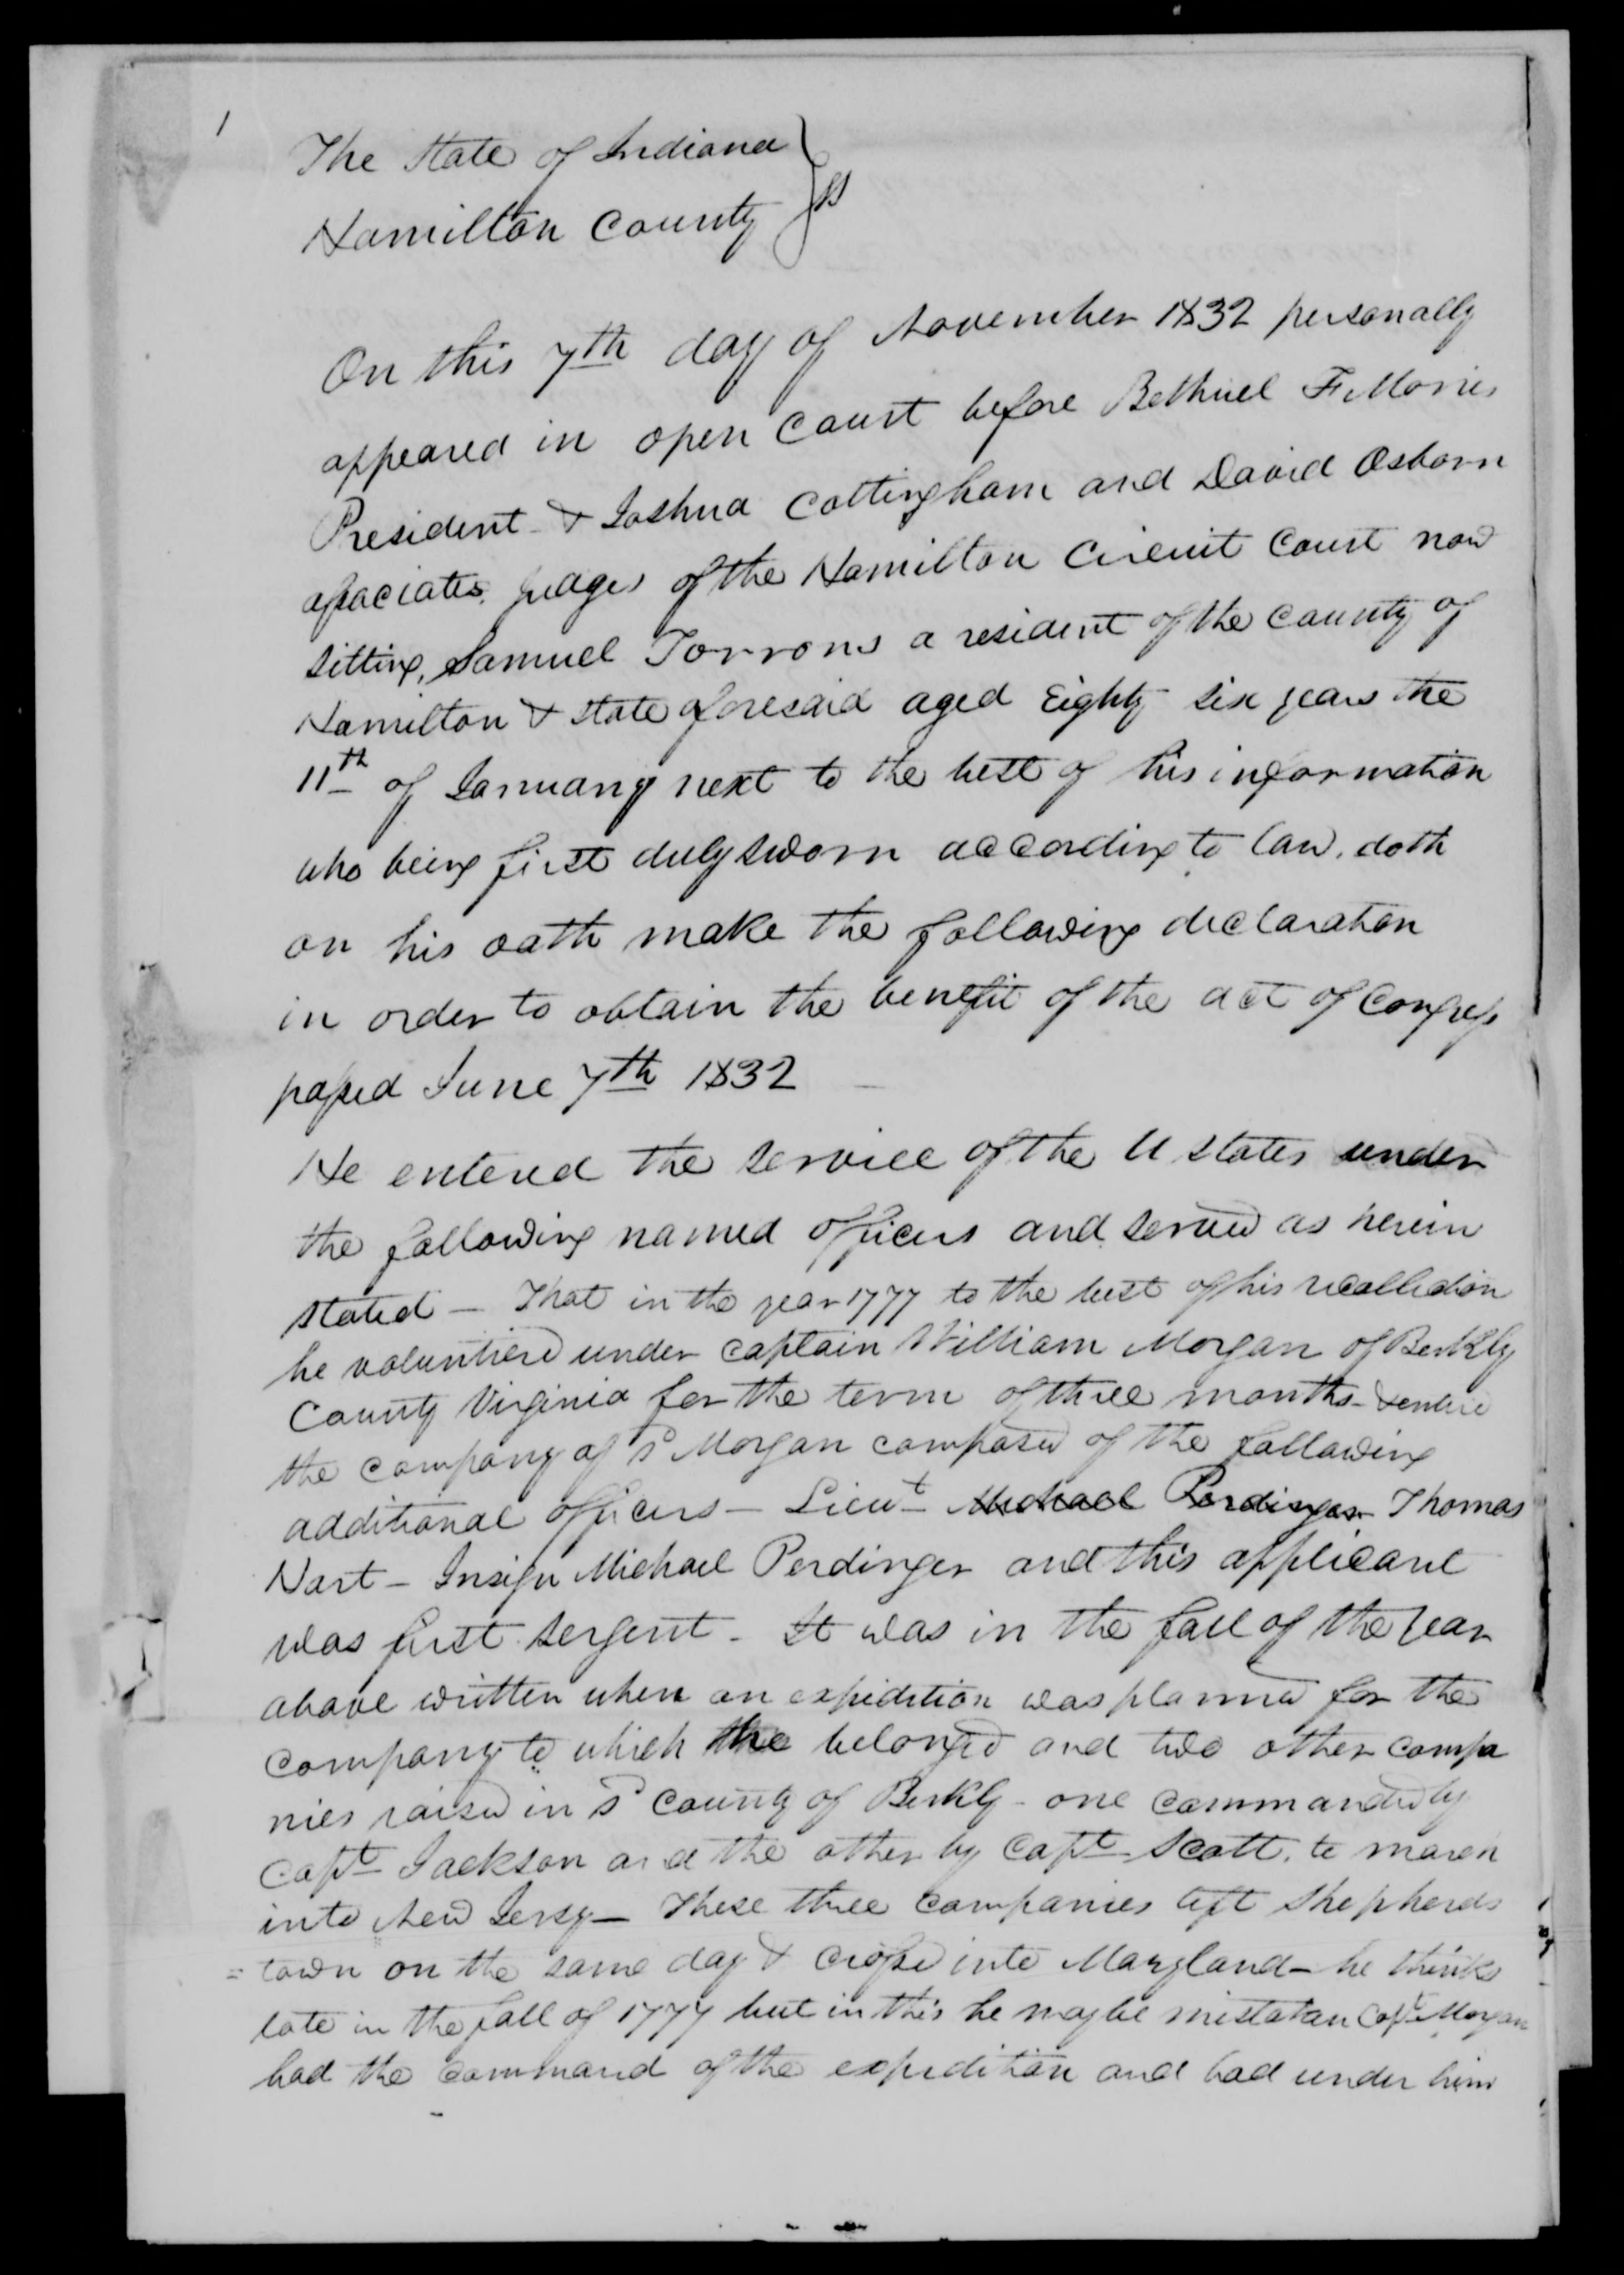The State of Indiana
Hamilton County ss
On this 7th day of November 1832 personally appeared in open Court before Bethnel Fellories President & Joshua Cattingham and David Osborn associate Judges of the Hamilton Circuit Court now sitting, Samuel Torrons a resident of the County of Hamilton & State aforesaid aged Eighty six years the 11th of January next to the best of his ingarmation who being first duly sworn according to law, doth on his oath make the following declaration in order to obtain the benefit of the act of Congress passed June 7th 1832
He entered the service of the U States under the following named officers and served as herein stated - That in the year 1777 to the best of his recollection he volunteered under Captain William Morgan of Berkley County Virginia for the term of three months - & entered the Company of Morgan composed of the following additional officers - Lieut. Thomas Hart - Insign Michael Perdinger and this applicant was first sergent - It was in the fall of the year above written when an expedition was planned for the Company to which he belonged and two other companies raised in sd County of Berkley - one commanded by Capt. Jackson and the other by Capt. Scott, to march into New Jersey - These three companies left Shepherdstown on the same day & crossed into Maryland - he thinks late in the fall of 1777 but in this he may be mistaken Capt. Morgan had the command of the expedition and had under him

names: Scott, Thomas Hart, Michael Perdinger, William Morgan, Morgan, David Osborn, Morgan, Michael Perdinger, Samuel Torrons, Joshua Cottingham, Jackson, Bethnel Fellories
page: 7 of 27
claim: widow's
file: W. 9860, Samuel Torrons, Va.